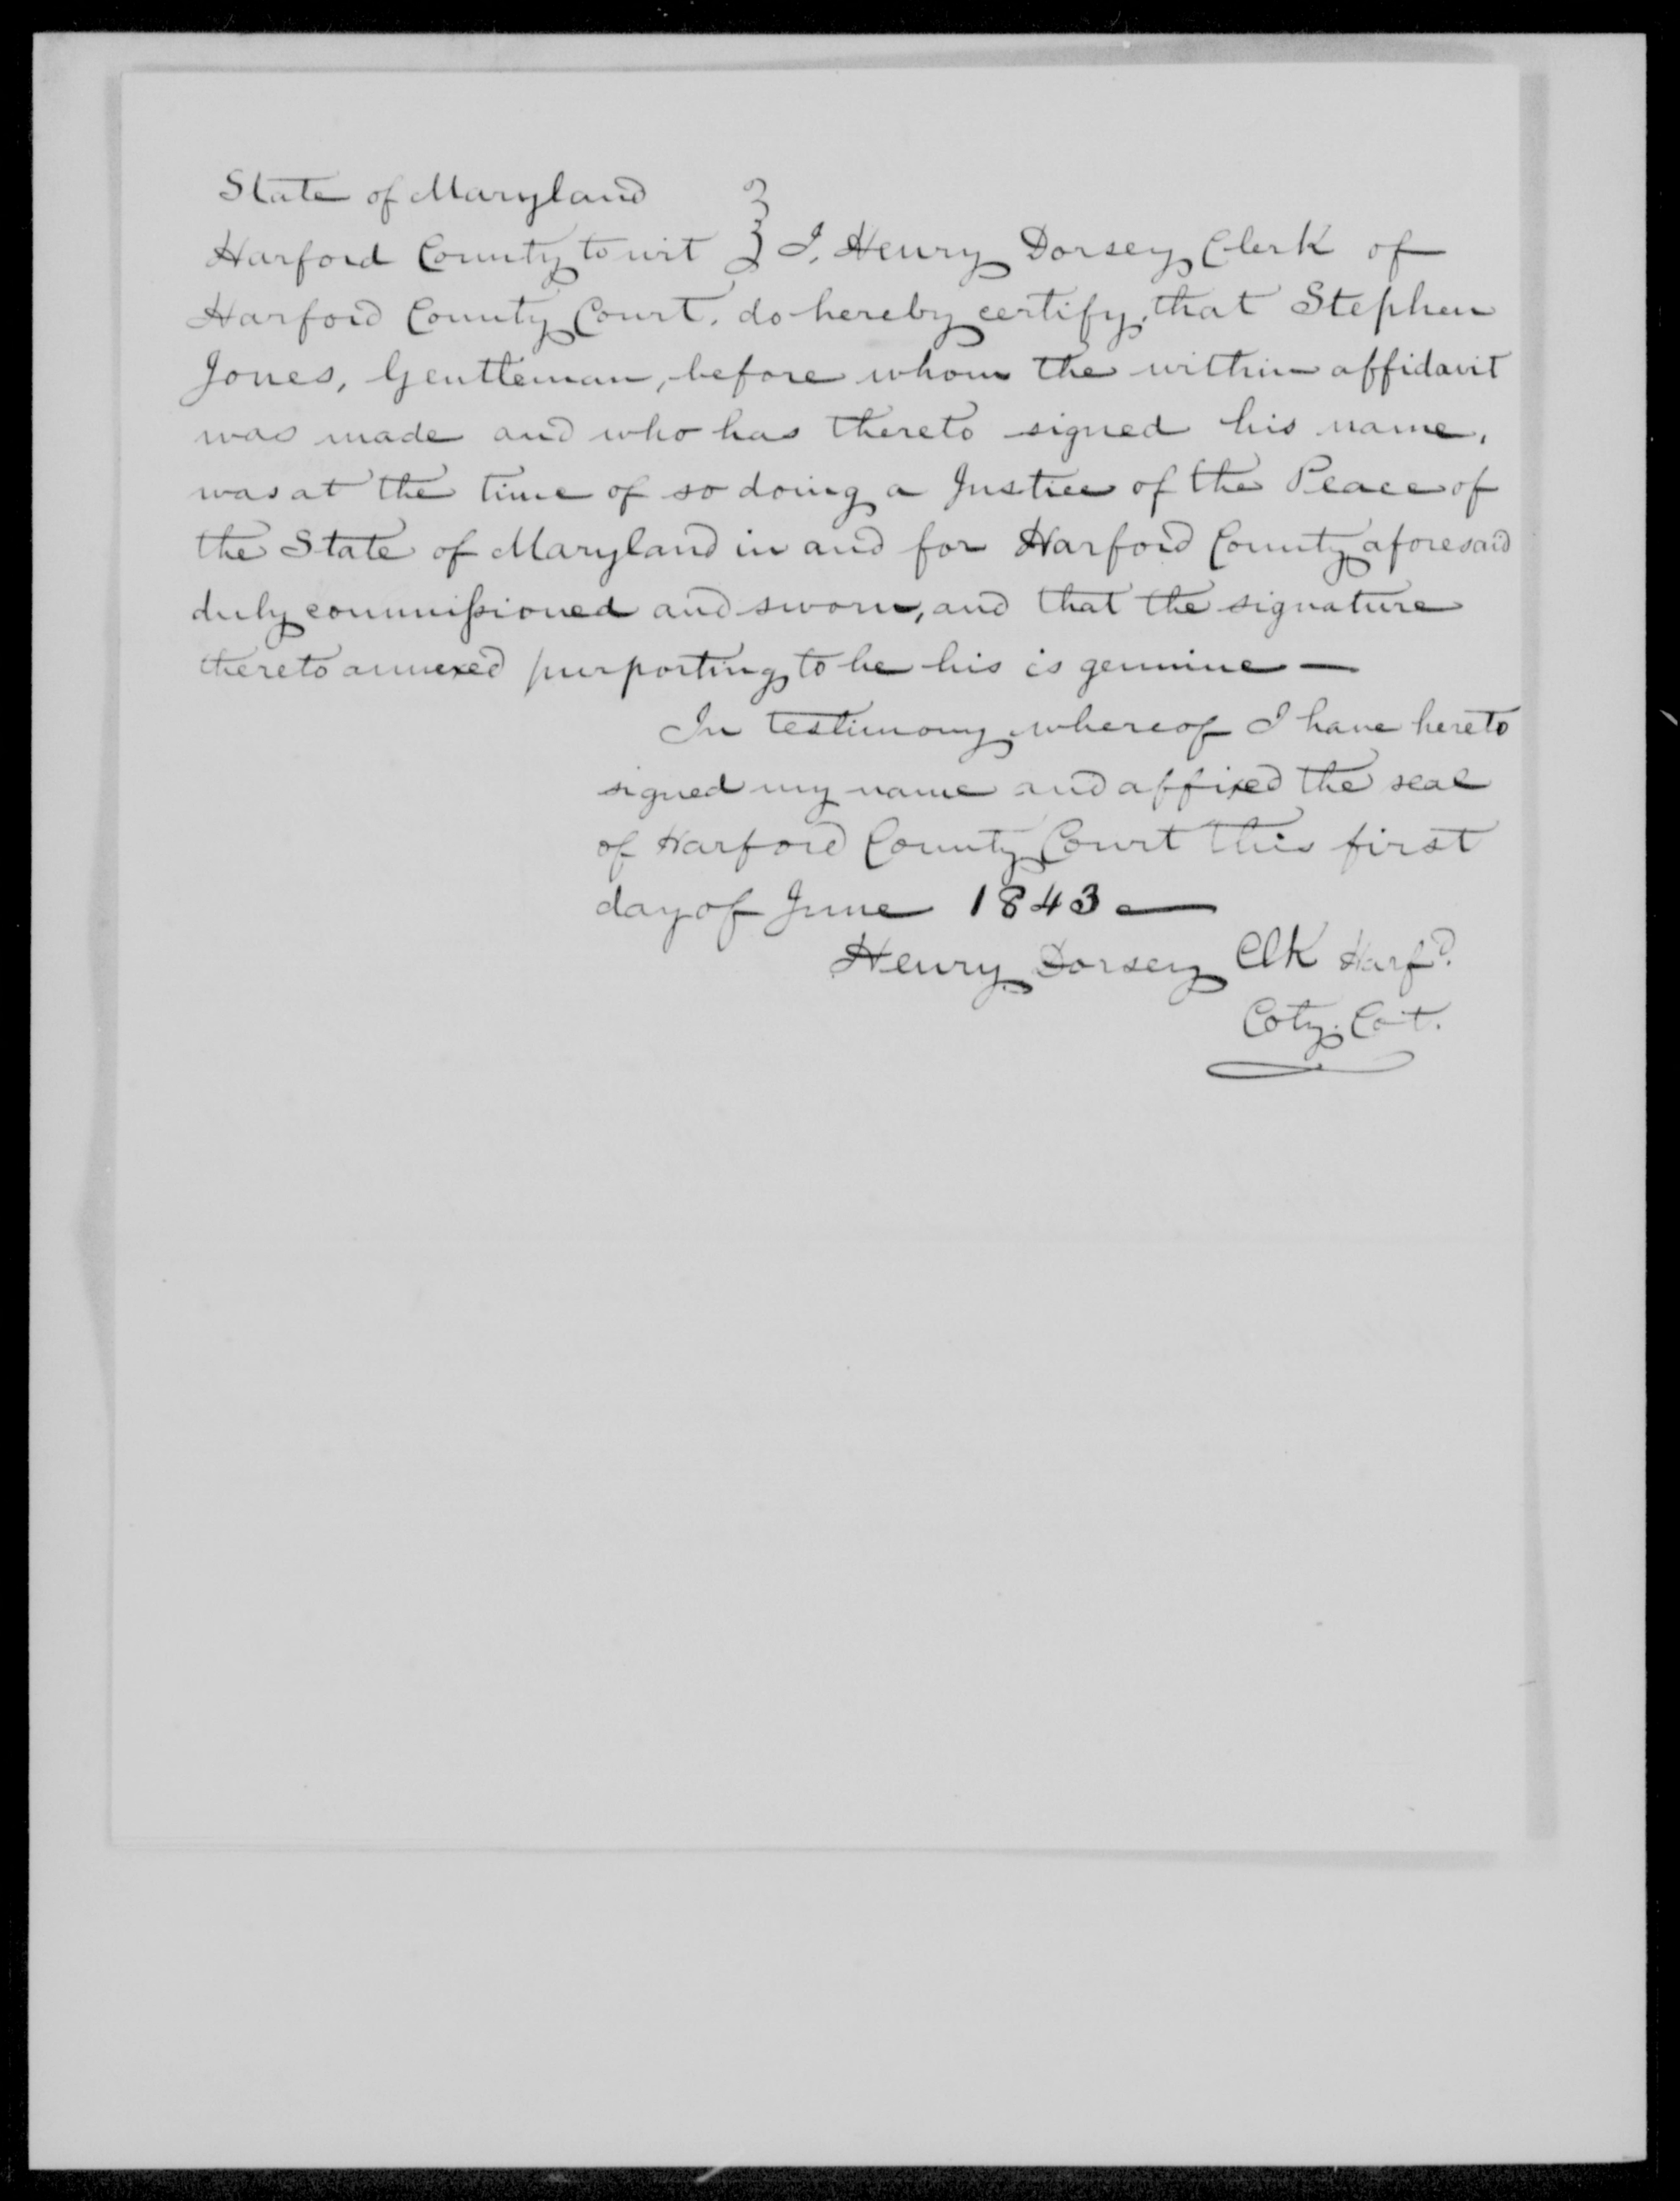State of Maryland
Harford County to wit ⎬ I, Henry Dorsey Clerk of Harford County Court, do hereby certify that Stephen Jones, Gentleman, before whom the within affidavit was made and who has thereto signed his name, was at the time of so doing a Justice of the Peace of the State of Maryland in and for Harford County aforesaid duly commissioned and sworn, and that the signature thereto annexed purporting to be his is genuine-
In testimony whereof I have hereto signed my name and affixed the seal of Harford County Court this first day of June 1843-
Henry Dorsey
Clk Harfd [Clerk  Harford]
Coty. Cot.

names: Henry Dorsey, Stephen Jones, Henry Dorsey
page: 25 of 38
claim: widow's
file: W. 3899, John Wann, Penn.